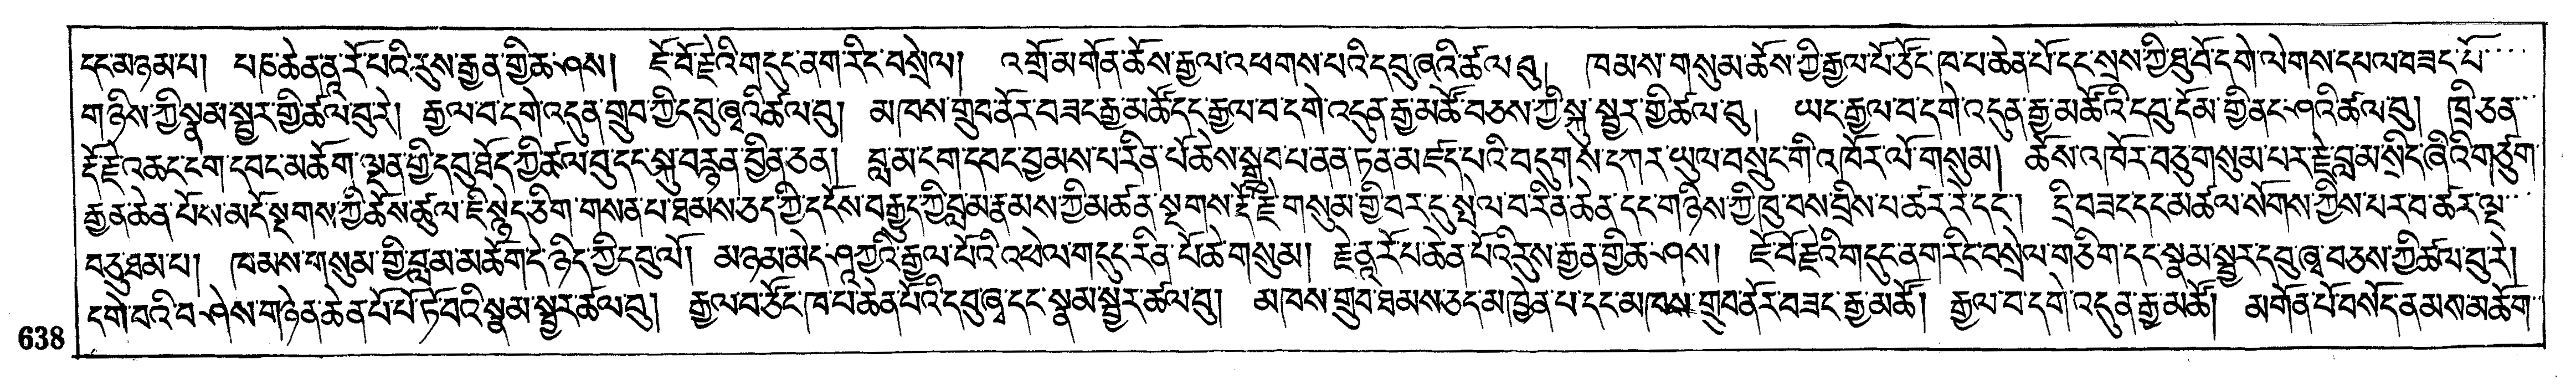དང་མཉམ་པ། པཎ་ཆེན་ནཱ་རོ་པའི་རུས་རྒྱན་གྱི་ཆ་ཤས། ཇོ་བོ་རྗེའི་གདུང་ནག་རིང་བསྲེལ། འགྲོ་མགོན་ཆོས་རྒྱལ་འཕགས་པའི་དབུ་ཞྭའི་ཚལ་བུ། ཁམས་གསུམ་ཆོས་ཀྱི་རྒྱལ་པོ་ཙོང་ཁ་པ་ཆེན་པོ་དང་སྲས་ཀྱི་ཐུ་བོ་དགེ་ལེགས་དཔལ་བཟང་པོ་
གཉིས་ཀྱི་སྣམ་སྦྱར་གྱི་ཚལ་བུ་རེ། རྒྱལ་བ་དགེ་འདུན་གྲུབ་ཀྱི་དབུ་ཞྭའི་ཚལ་བུ། མཁས་གྲུབ་ནོར་བཟང་རྒྱ་མཚོ་དང་རྒྱལ་བ་དགེ་འདུན་རྒྱ་མཚོ་བཅས་ཀྱི་སྐུ་སྦྱར་གྱི་ཚལ་བུ། ཡང་རྒྱལ་བ་དགེ་འདུན་རྒྱ་མཚོའི་དབུ་དོམ་གྱི་ནང་ཤའི་ཚལ་བུ། ཁྲི་ཅན་
རྡོ་རྗེ་འཆང་དག་དབང་མཆོག་ལྡན་གྱི་དབུ་ཐོད་ཀྱི་ཚལ་བུ་དང་སྐུ་བརྙན་བྱིན་ཅན། བླ་མ་ངག་དབང་བྱམས་བ་རིན་པོ་ཆེས་སྒྲུབ་པ་ནན་ཏན་མཛད་པའི་གདུགས་དཀར་ཡུལ་བསྲུང་གི་འཁོར་ལོ་གསུམ། ཆོས་འཁོར་བཅུ་གསུམ་པར་རྗེ་བླ་མ་སྲིད་ཞིའི་གཙུག་
རྒྱན་ཆེན་པོས་མདོ་སྔགས་ཀྱི་ཆོས་ཚུལ་ཇི་སྙེད་ཅིག་གསན་པ་ཐམས་ཅད་ཀྱི་དངོས་བརྒྱུད་ཀྱི་བླ་མ་རྣམས་ཀྱི་མཚན་སྔགས་རྡོ་རྗེ་གསུམ་གྱི་བར་དུ་སྤེལ་བ་རིན་ཆེན་དང་གཉིས་ཀྱི་ཁུ་བས་བྲིས་པ་ཚར་རེ་དང་། དྲི་བཟང་དང་མཚལ་སོགས་ཀྱིས་པར་བ་ཚར་ལྔ་
བཅུ་ཐམ་པ། ཁམས་གསུམ་གྱི་བླ་མ་མཆོག་དེ་ཉིད་ཀྱི་དབུ་ལོ། མཉམ་མེད་ཤཱཀྱའི་རྒྱལ་པོའི་འཕེལ་གདུང་རིན་པོ་ཆེ་གསུམ། རྗེ་ནཱ་རོ་པ་ཆེན་པོའི་རུས་རྒྱན་གྱི་ཆ་ཤས། ཇོ་བོ་རྗེའི་གདུང་ནག་རིང་བསྲེལ་གཅིག་དང་སྣམ་སྦྱར་དབུ་ཞྭ་བཅས་ཀྱི་ཚལ་བུ་རེ།
དགེ་བའི་བཤེས་གཉེན་ཆེན་པོ་བ་ཏོ་བའི་སྣམ་སྦྱར་ཚལ་བུ། རྒྱལ་བ་ཙོང་ཁ་པ་ཆེན་པོའི་དབུ་ཞྭ་དང་སྣམ་སྦྱར་ཚལ་བུ། མཁས་གྲུབ་ཐམས་ཅད་མཁྱེན་པ་དང་མཁས་གྲུབ་ནོར་བཟང་རྒྱ་མཚོ། རྒྱལ་བ་དགེ་འདུན་རྒྱ་མཚོ། མགོན་པོ་བསོད་ནམས་མཆོག་